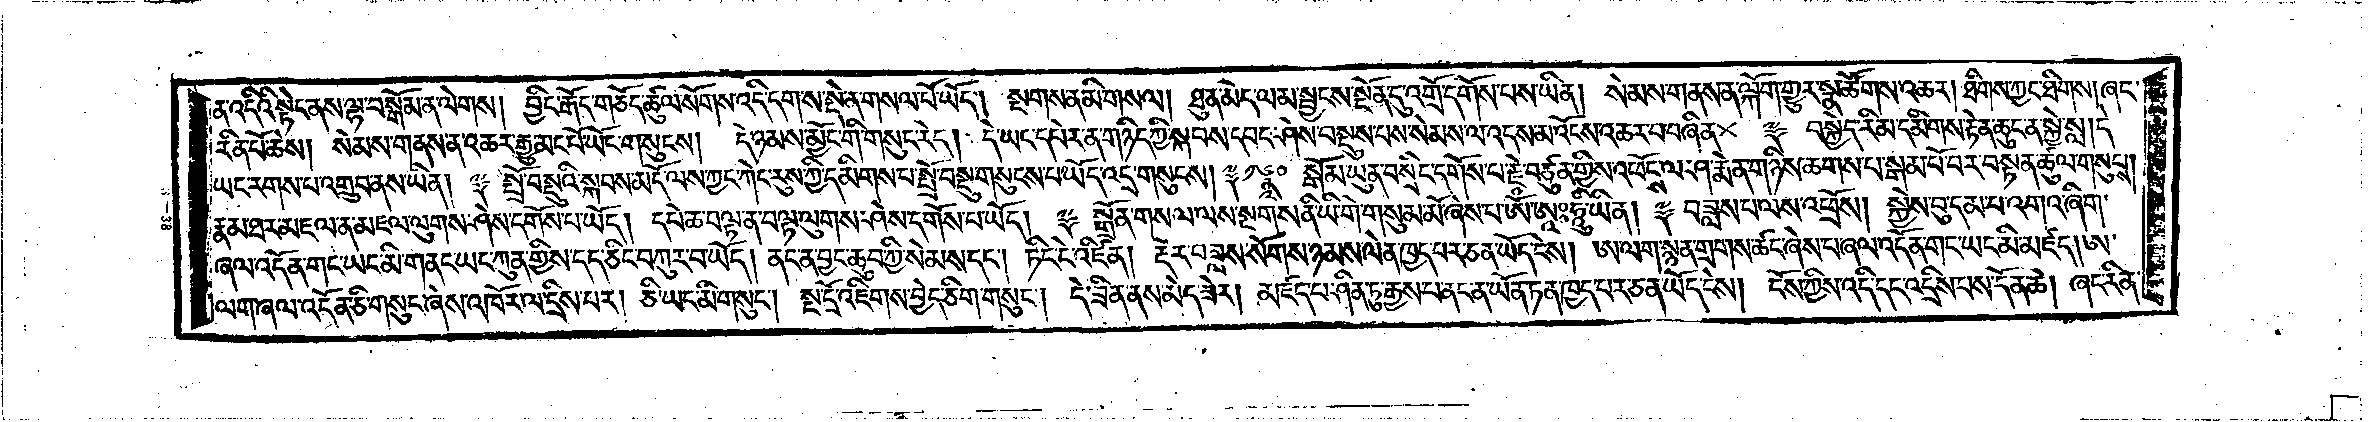ན་འདིའི་སྟེང་ནས་ལྷ་བསྒོམ་ན་ལེགས། བྱིང་རྒོད་གཅོད་ཚུལ་སོགས་འདི་དག་ས་སྡེ་ན་གསལ་པོ་ཡོད། སྔགས་ན་མི་གསལ། ཐུན་མེད་ལམ་སྦྱངས་སྔོན་དུ་འགྲོ་དགོས་པས་ཡིན། སེམས་གནས་ན་ལྐོག་གྱུར་སྣ་ཚོགས་འཆར། ཐིགས་ཀྱང་ཐིགས། ཞང་
རིན་པོ་ཆེས། སེམས་གནས་ན་འཆར་རྒྱུ་མང་པོ་ཡོང་གསུངས། དེ་ཉམས་མྱོང་གི་གསུང་རེད། དེ་ཡང་དཔེར་ན་གཉིད་ཀྱི་སྐབས་དབང་ཤེས་བསྡུས་པས་སེམས་ལ་འདས་མ་འོངས་འཆར་བ་བཞིན྾་༈ བསྐྱེད་རིམ་དམིགས་རྟེན་ཆུང་ན་སྐྱེ་སླ། དེ་
ཡང་རགས་པ་འགྲུབ་ནས་ཡིན། ༈ སྤྲོ་བསྡུའི་སྐབས་མདོ་ལས་ཀྱང་ཀེང་རུས་ཀྱི་དམིགས་པ་སྤྲོ་བསྡུ་གསུངས་པ་ཡོད་འདྲ་གསུངས། ༈ ༡༦༠ན༢་སྒོམ་ཡུན་བསྲིང་དགོས་པ་རྗེ་བཙུན་གྱིས་འཕོངས་ལ་ཤ་རྨེན་གཉིས་ཆགས་པ་སྒམ་པོ་བར་བསྟན་ཚུལ་གསུངས།
རྣམ་ཐར་མཇལ་ན་མཇལ་ལུགས་ཤེས་དགོས་པ་ཡོད། དཔེ་ཆ་བལྟ་ན་བལྟ་ལུགས་ཤེས་དགོས་པ་ཡོད། ༈ སྒྲོན་གསལ་ལས་སྔགས་ནི་ཡི་གེ་གསུམ་མོ་ཞེས་པ་ཨོཾ་ཨཱཿཧཱུཾ་ཡིན། ༈ བཟླས་པ་ལས་འཕྲོས། སྐྱེས་བུ་དམ་པ་འགའ་ཞིག་
ཞལ་འདོན་གང་ཡང་མི་གནང་ཡང་ཀུན་གྱིས་དད་ཅིང་བཀུར་བ་ཡོད། ནང་ན་བྱང་ཆུབ་ཀྱི་སེམས་དང་། ཏིང་ངེ་འཛིན། རྡོར་བཟླས་སོགས་ཉམས་ལེན་ཁྱད་པར་ཅན་ཡོད་ངེས། ཨ་ལག་སྙན་གྲགས་ཚང་ཞེས་པ་ཞལ་འདོན་གང་ཡང་མི་མཛད། ཨ་
ལ་གཞལ་འདོན་ཅི་གསུང་ཞེས་འཁོར་ལ་དྲིས་པར། ཅི་ཡང་མི་གསུང་། སྔ་དྲོ་འཇིགས་བྱེད་ཅིག་གསུང་། དེ་ཟིན་ནས་མེད་ཟེར། མཛད་པ་ཤིན་ཏུ་རྒྱས་པ་ནང་ན་ཡོན་ཏན་ཁྱད་པར་ཅན་ཡོད་དེས། ངོས་ཀྱིས་འདི་དང་འདྲིས་པས་དོན་ཆེ། ཞང་རིན་